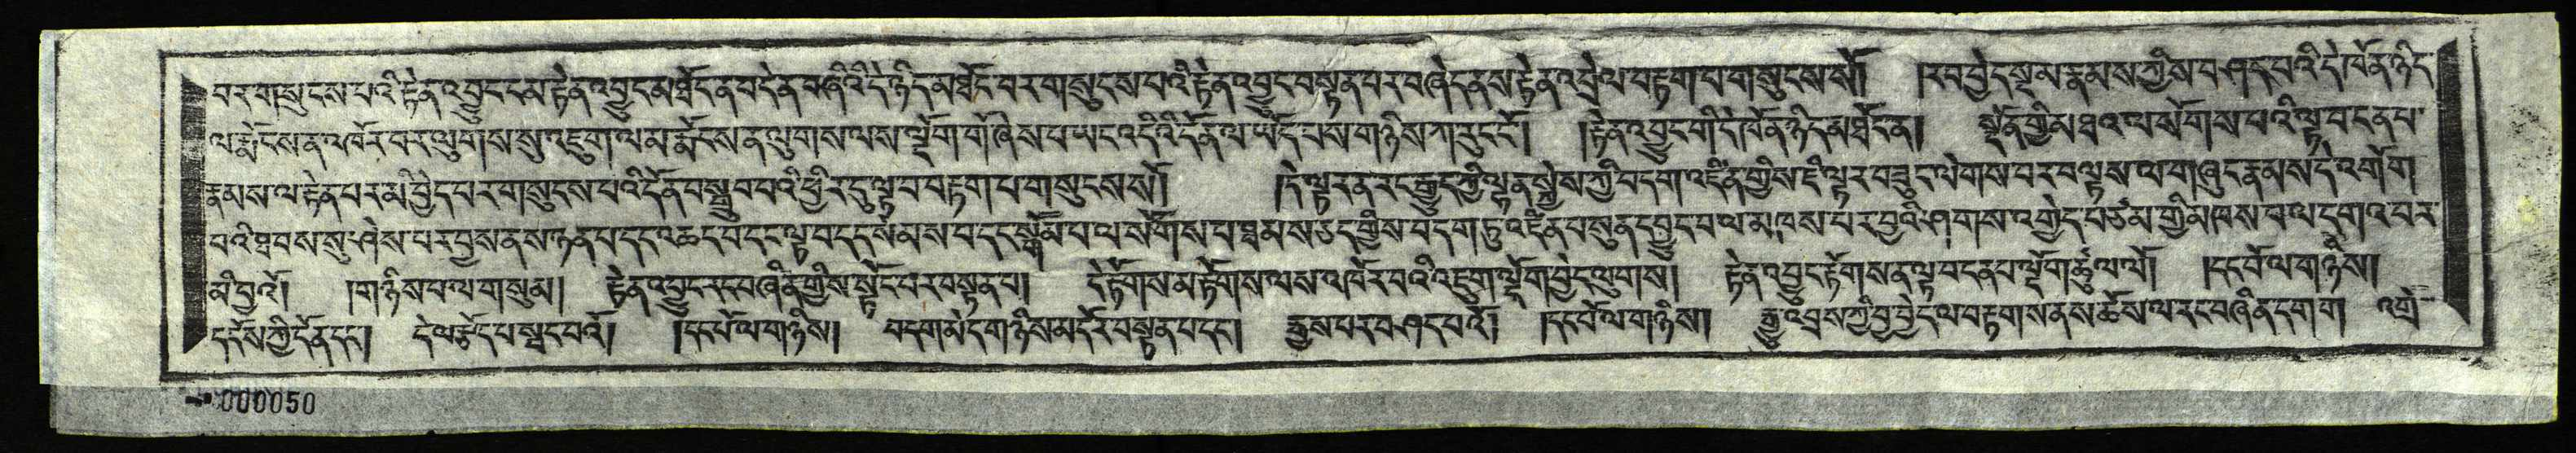བར་གསུངས་པའི་རྟེན་འབྱུང་ངམ་རྟེན་འབྱུང་མཐོང་ན་བདེན་བཞིའི་དེ་ཉིད་མཐོང་བར་གསུངས་པའི་རྟེན་འབྱུང་བསྟན་པར་བཞེད་ནས་རྟེན་འབྲེལ་བརྟག་པ་གསུངས་སོ། །རབ་བྱེད་སྔ་མ་རྣམས་ཀྱིས་བཤད་པའི་དེ་ཁོ་ན་ཉིད་
ལ་རྨོངས་ན་འཁོར་བར་ལུགས་སུ་འཇུག་ལ་མ་རྨོངས་ན་ལུགས་ལས་ལྡོག་གོ་ཞེས་པ་ཡང་འདིའི་དོན་ལ་ཡོད་པས་གཉིས་ཀ་རུང་ངོ། །རྟེན་འབྱུང་གི་དེ་ཁོ་ན་ཉིད་མཐོང་ན། སྔོན་གྱི་མཐའ་ལ་སོགས་པའི་ལྟ་བ་ངན་པ་
རྣམས་ལ་རྟེན་པར་མི་བྱེད་པར་གསུངས་པའི་དོན་བསྒྲུབ་པའི་ཕྱིར་དུ་ལྟ་བ་བརྟག་པ་གསུངས་སོ། །དེ་ལྟར་ན་རང་རྒྱུད་ཀྱི་ལྷན་སྐྱེས་ཀྱི་བདག་འཛིན་གྱིས་ཇི་ལྟར་བཟུང་ལེགས་པར་བལྟས་ལ་གཞུང་རྣམས་དེ་འགོག་
པའི་ཐབས་སུ་ཤེས་པར་བྱས་ནས་ཉན་པ་དང་འཆད་པ་དང་ལྟ་བ་དང་སེམས་པ་དང་སྒོམ་པ་ལ་སོགས་པ་ཐམས་ཅད་གྱིས་བདག་ཏུ་འཛིན་པ་སུན་དབྱུང་བ་ལ་མཁས་པར་བྱའི་ཤགས་འགྱེད་པ་ཙམ་གྱི་མཁས་པ་ལ་དགའ་བར་
མི་བྱའོ། །གཉིས་པ་ལ་གསུམ། རྟེན་འབྱུང་རང་བཞིན་གྱིས་སྟོང་བར་བསྟན་པ། དེ་རྟོགས་མ་རྟོགས་ལས་འཁོར་བའི་འཇུག་ལྡོག་བྱེད་ལུགས། རྟེན་འབྱུང་རྟོགས་ན་ལྟ་བ་ངན་པ་ལྡོག་ཚུལ་ལོ། །དང་པོ་ལ་གཉིས།
དངོས་ཀྱི་དོན་དང་། དེ་ལ་རྩོད་པ་སྤང་པའོ། །དང་པོ་ལ་གཉིས། བདག་མེད་གཉིས་མདོར་བསྟན་པ་དང་། རྒྱས་པར་བཤད་པའོ། །དང་པོ་ལ་གཉིས། རྒྱུ་འབྲས་ཀྱི་བྱ་བྱེད་ལ་བརྟགས་ནས་ཆོས་ལ་རང་བཞིན་དགག་འགྲོ་